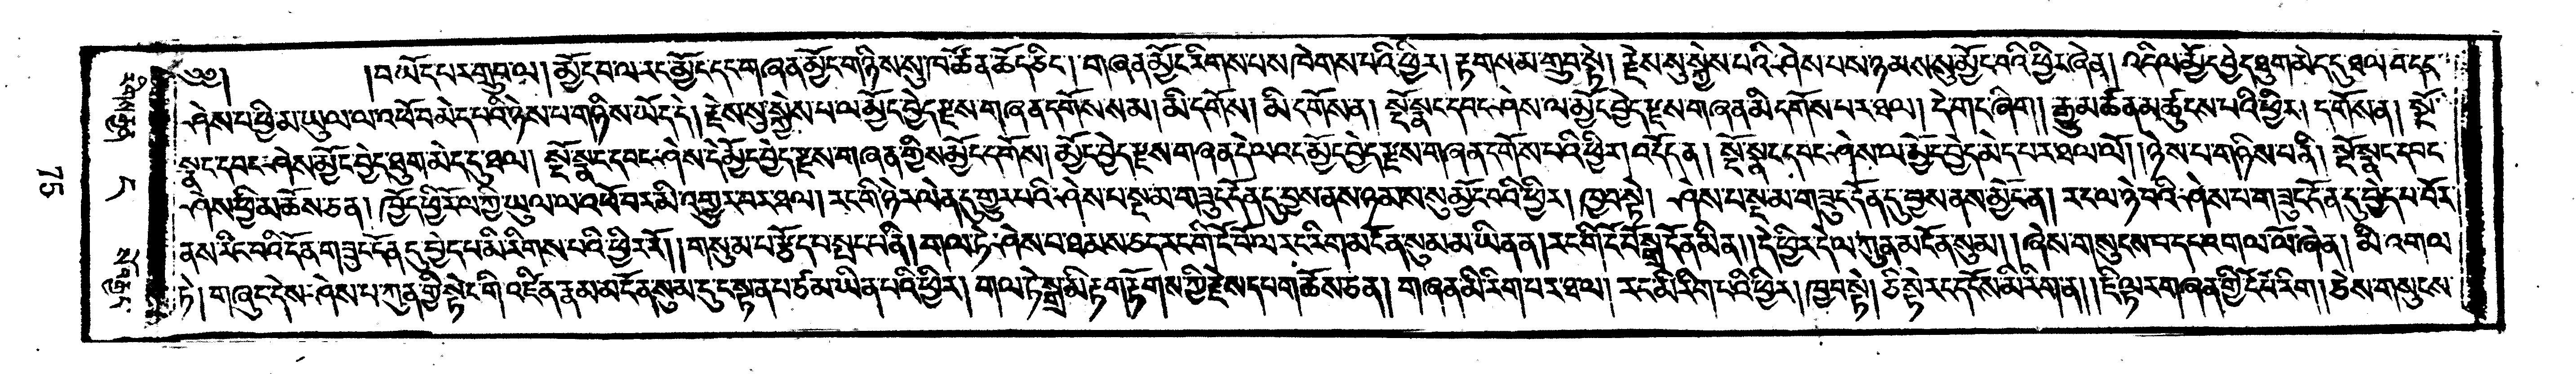༄༅། །བ་ཡོད་པར་གྲུབ་ལ། མྱོང་བ་ལ་རང་མྱོང་དང་གཞན་མྱོང་གཉིས་སུ་ཁ་ཚོན་ཆོད་ཅིང་། གཞན་མྱོང་རིགས་པས་ཁེགས་པའི་ཕྱིར། རྟགས་མ་གྲུབ་སྟེ། རྗེས་སུ་སྐྱེས་པའི་ཤེས་པས་ཉམས་སུ་མྱོང་བའི་ཕྱིར་ཞེ་ན། འདི་ལ་མྱོང་བྱེད་ཐུག་མེད་དུ་ཐལ་བ་དང་།
ཤེས་པ་ཕྱི་མ་ཡུལ་ལ་འཕོ་བ་མེད་པའི་ཉེས་པ་གཉིས་ཡོད་དེ། རྗེས་སུ་སྐྱེས་པ་ལ་མྱོང་བྱེད་རྫས་གཞན་དགོས་སམ། མི་དགོས། མི་དགོས་ན། སྔོ་སྣང་དབང་ཤེས་ལ་མྱོང་བྱེད་རྫས་གཞན་མི་དགོས་པར་ཐལ། དེ་གང་ཞིག །རྒྱུ་མཚན་མཚུངས་པའི་ཕྱིར། དགོས་ན། སྔོ་
སྣང་དབང་ཤེས་མྱོང་བྱེད་ཐུག་མེད་དུ་ཐལ། སྔོ་སྣང་དབང་ཤེས་དེ་མྱོང་བྱེད་རྫས་གཞན་གྱིས་མྱོང་དགོས། མྱོང་བྱེད་རྫས་གཞན་དེ་ལའང་མྱོང་བྱེད་རྫས་གཞན་དགོས་པའི་ཕྱིར། འདོད་ན། སྔོ་སྣང་དབང་ཤེས་ལ་མྱོང་བྱེད་མེད་པར་ཐལ་ལོ། །ཉེས་པ་གཉིས་པ་ནི། སྔོ་སྣང་དབང་
ཤེས་ཕྱི་མ་ཆོས་ཅན། ཁྱོད་ཕྱི་རོལ་གྱི་ཡུལ་ལ་འཕོ་བར་མི་འགྱུར་བར་ཐལ། རང་གི་ཉེར་ལེན་དུ་གྱུར་པའི་ཤེས་པ་སྔ་མ་གཟུང་དོན་དུ་བྱས་ནས་ཉམས་སུ་མྱོང་བའི་ཕྱིར། ཁྱབ་སྟེ། ཤེས་པ་སྔ་མ་གཟུང་དོན་དུ་བྱས་ནས་མྱོང་ན། རང་ལ་ཉེ་བའི་ཤེས་པ་གཟུང་དོན་དུ་བྱེད་པ་བོར་
ནས་རིང་བའི་དོན་གཟུང་དོན་དུ་བྱེད་པ་མི་རིགས་པའི་ཕྱིར་རོ། །གསུམ་པ་རྩོད་པ་སྤོང་བ་ནི། གལ་ཏེ་ཤེས་པ་ཐམས་ཅད་རང་གི་ངོ་བོ་ལ་རང་རིག་མངོན་སུམ་མ་ཡིན་ན། རང་གི་ངོ་བོ་སྒྲ་དོན་མིན། །དེ་ཕྱིར་དེ་ལ་ཀུན་མངོན་སུམ། །ཞེས་གསུངས་པ་དང་འགལ་ལོ་ཞེ་ན། མི་འགལ་
ཏེ༑ གཞུང་དེས་ཤེས་པ་ཀུན་གྱི་སྟེང་གི་འཛིན་རྣམ་མངོན་སུམ་དུ་བསྟན་པ་ཙམ་ཡིན་པའི་ཕྱིར། གལ་ཏེ་སྒྲ་མི་རྟག་རྟོགས་ཀྱི་རྗེས་དཔག་ཆོས་ཅན། གཞན་མི་རིག་པར་ཐལ། རང་མི་རིག་པའི་ཕྱིར། ཁྱབ་སྟེ། ཅི་སྟེ་རང་དངོས་མི་རིག་ན། །ཇི་ལྟར་གཞན་གྱི་ངོ་བོ་རིག །ཅེས་གསུངས་